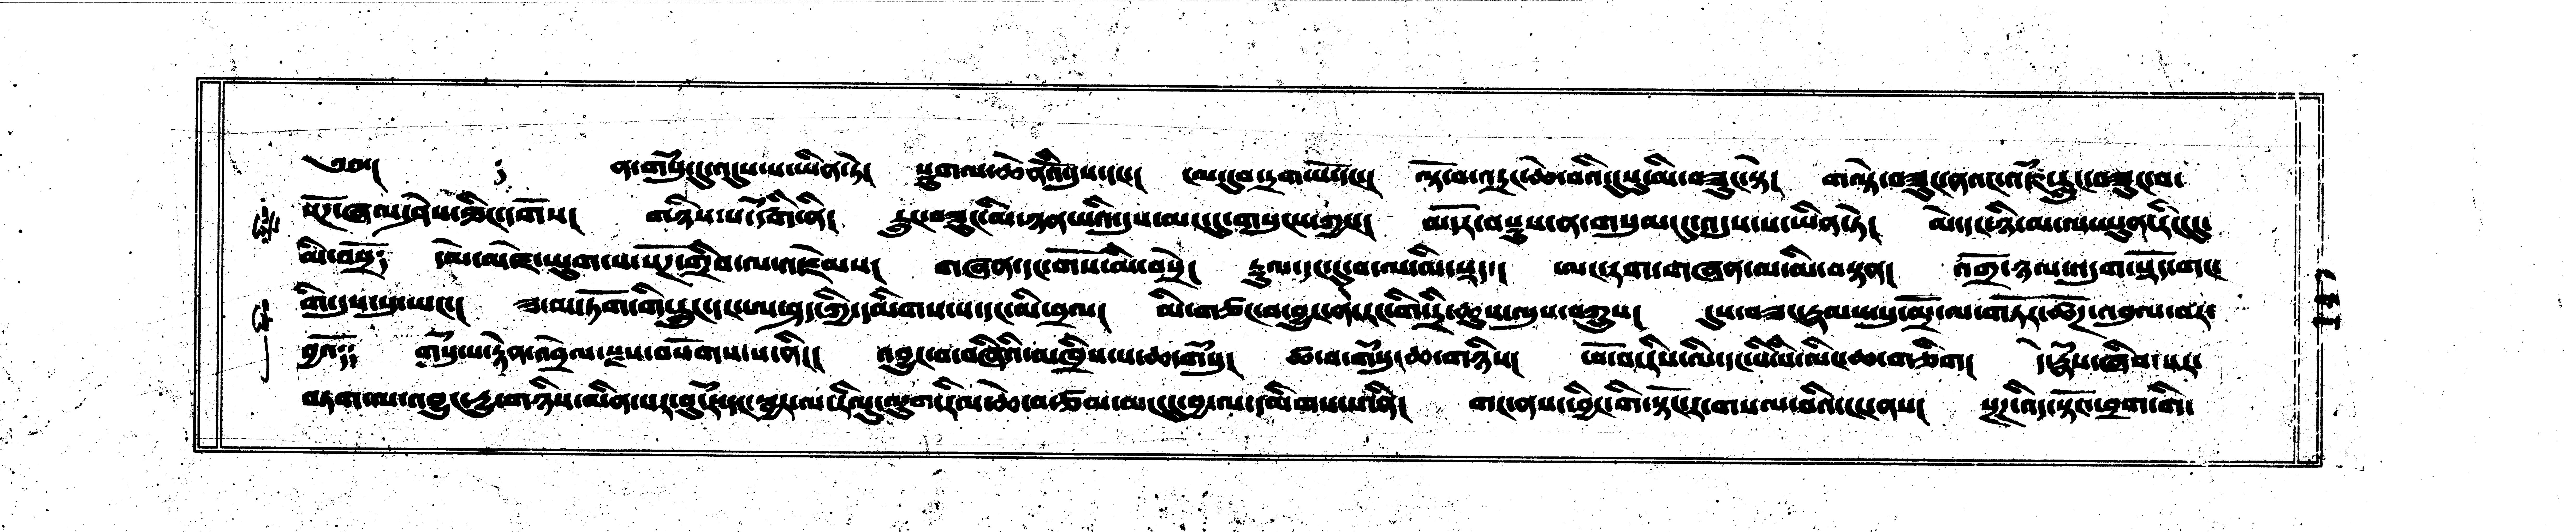ན་གསུམ་དུ་འདུས་པ་ཡིན་ཏེ། སྡུག་བསྔལ་ཆེན་པོའི་དུས་དང་། ངལ་དུབ་དྲག་པོ་དང་། ལྟོ་བ་འགྲངས་ཆེ་བའི་དུས་སུ་མི་བཟུང་སྟེ། གལ་ཏེ་བཟུང་ནའང་འཇམ་རླུང་བཟུང་བ་
སོགས་ཞལ་ཤེས་ཐིང་དགོས། གཉིས་པ་དམ་ཚིག་ནི། རླུང་བཟུང་མི་ཉན་པའི་དུས་མང་དུ་གསུངས་ཀྱང་། མདོར་བསྡུས་ན་གསུམ་དུ་འདུས་པ་ཡིན་ཏེ། མེ་དང་ཉི་མ་ལ་ཡུན་རིང་དུ་
མི་བསྲོ། དམེ་མཛེ་ཡུག་ས་སོགས་གྲིབ་ལ་འཛཻམས། གཞན་དང་གོས་མི་བསྲེ། རྡུལ་དང་དུ་བ་ལ་མི་བསྡད། ཡང་རག་གཞན་ལ་མི་བསྟན། འགྲོ་ཉལ་འདུག་སྡོད་གང་
གི་དུས་སུ་ཡང་། ཟ་མ་ཏོག་གི་རླུང་དང་ཨ་ཤད་ཀྱི་དམིགས་པ་དང་མི་འབྲལ། མི་གཙང་བ་བྱུང་ན་རང་གི་དྲི་ཆུས་ལུས་བཀྲུས། དུས་བཟང་རྣམས་སུ་མཁའ་འགྲོ་ལ་གཏོར་ཚོགས་འབུལ་བར་
བྱའོ། །གསུམ་པ་རྟེན་འབྲེལ་རྫས་བསོགས་པ་ནི། འབྱུང་བ་བཞིའི་མཁྲིས་པ་ཆ་གསུམ། ཚ་བ་གསུམ་ཆ་གཉིས། ཕོ་བ་རིས་ལི་དང་པི་པི་ལིང་ཆ་གཅིག དེ་རྣམས་ཞིབ་པར་
བཏགས་ལ་འབྱུང་རྒྱུ་གཉིས་མིན་པར་བུ་རམ་དང་སྦྱར་ལ་རིལ་ལུ་ལུག་རིལ་ཆེ་བ་ཙམ་མང་དུ་བྱ་ལ་དམིགས་པ་ནི། གང་ནས་ཕྱི་ནང་གི་སྟོང་ར་གསལ་བའི་ངང་ནས། སྔགས་འདི་སྟོང་ཕྲག་གི་